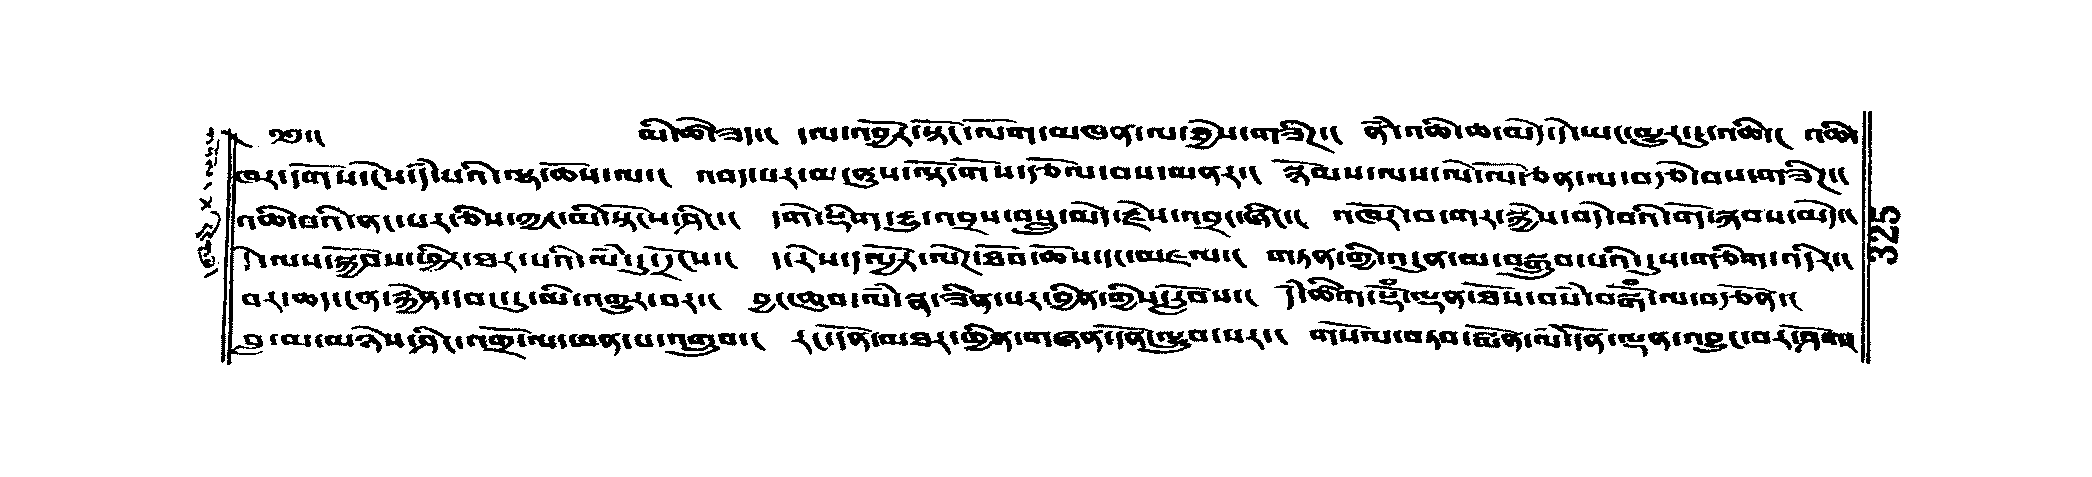མི་ཚེ་ཟད། །དལ་འབྱོར་སྟོང་ལོག་མཁན་ལ་ཐུགས་རྗེས་གཟིགས། །ནམ་འཆི་ཆ་མེད་དེ་ཡང་མྱུར་དུ་འཆི། །འཆི་
ཁར་དགོས་ངེས་དམ་པའི་ལྷ་ཆོས་ལ། །འབད་པར་མ་ནུས་ལྟོ་གོས་རྩོལ་བས་མནར། །སྙོམས་ལས་ལེ་ལོ་ཅན་ལ་བརྩེ་བས་གཟིགས། །
འཆི་བའི་ནངས་པར་ཅིས་ཀྱང་མི་སྟོངས་ཤིང་། །དགེ་སྡིག་རྒྱུ་འབྲས་བསླུ་མེད་རྗེས་འབྲང་ཞིང་། །འཁོར་བ་གང་སྐྱེས་བདེ་བའི་གོ་སྐབས་མེད། །
དེ་ལས་སྐྱོབས་ཕྱིར་ཐར་པའི་ལམ་དུ་དྲོངས། །ད་རེས་དལ་འབྱོར་ལེགས་ཐོབ་ཆོས་དང་མཇལ། །གཏན་གྱི་འདུན་མ་བསྒྲུབ་པའི་དུས་གཅིག་འདིར། །
བར་ཆད་ངན་རྐྱེན་དབང་དུ་མི་འགྱུར་བར། །བྱང་ཆུབ་ལམ་སྣ་ཟིན་པར་བྱིན་གྱིས་རློབས། །དམ་ཚིག་སྡོམ་ལྡན་ཐོས་བསམ་བསྒོམ་ལ་བརྩོན། །
བླ་མ་མཉེས་ཤིང་འགྲོ་ལ་ཕན་པ་འགྲུབ། །རང་དོན་མཐར་ཕྱིན་གཞན་དོན་ལྷུན་གྲུབ་པར། །གསོལ་བཏབ་སྨོན་ལམ་དོན་ལྡན་འབྱུང་བར་ཤོག